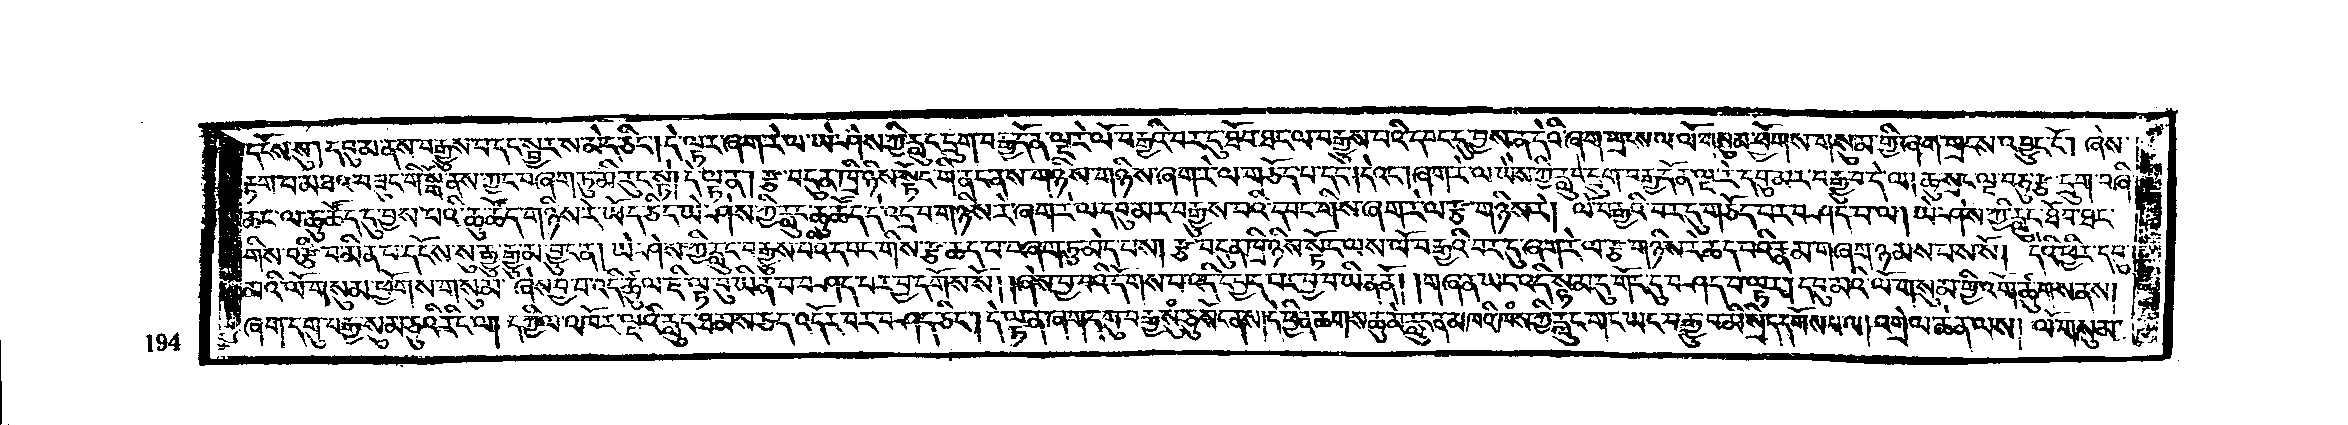དངོས་སུ། དབུ་མ་ནས་བརྒྱུས་པ་དང་སྦྱར་ས་མེད་ཅིང་། དེ་ལྟར་ཞག་རེ་ལ་ཡེ་ཤེས་ཀྱི་རླུང་དྲུག་བརྒྱ་དོན་ལྔ་རེ་ལོ་བརྒྱའི་བར་དུ་ཐོབ་ཐང་ལ་བརྒྱུས་པའི་དབང་དུ་བྱས་ན་དེའི་ཞག་གྲངས་ལ་ལོ་གསུམ་ཕྱོགས་གསུམ་གྱི་ཞག་གྲངས་འབྱུང་ངོ། ཞེས་
རྟག་པ་མཐའ་བཟུང་གི་སྒོ་ནས་ཀྱང་བཞག་ཏུ་མི་རུང་སྟེ། དེ་ལྟ་ན། རྩ་བདུན་ཁྲི་ཉིས་སྟོང་གི་ནང་ནས་གཉིས་གཉིས་ཞག་རེ་ལ་གཅོད་པ་དང་། དེའང་། ཞག་རེ་ལ་ཡཻས་ཤེས་ཀྱི་རླུང་དྲུག་བརྒྱ་དོན་ལྔ་རེ་དབུ་མར་བརྒྱུ་བ་དེ་ལ། ཆུ་སྲང་ལྔ་བཅུ་རྩ་དྲུག་བཞི་
ཆང་ལ་ཆུ་ཚོད་དུ་བྱས་པའི་ཆུ་ཚོད་གཉིས་རེ་ཡོད་ཅིང་ཡེ་ཤེས་ཀྱི་རླུང་ཆུ་ཚོད་དེ་འདྲ་བ་གཉིས་རེ་ཞག་རེ་ལ་དབུ་མར་བརྒྱུས་པའི་དབང་གིས་ཞག་རེ་ལ་རྩ་གཉིས་རེ། ལོ་བརྒྱའི་བར་དུ་གཅོད་པར་བཤད་པ་ལ། ཡེ་ཤེས་ཀྱི་རླུང་ཐོབ་ཐང་
གིས་བརྩི་བ་མིན་པ་དངོས་སུ་རྒྱུ་རྒྱུ་མ་བྱུང་ན། ཡེ་ཤེས་ཀྱི་རླུང་བརྒྱུས་པའི་དབང་གིས་རྩ་ཆད་པ་བཞག་ཏུ་མེད་པས། རྩ་བདུན་ཁྲི་ཉིས་སྟོང་ལས་ལོ་བརྒྱའི་བར་དུ་ཞག་རེ་ལ་རྩ་གཉིས་རེ་ཆད་པའི་རྣམ་གཞག་ཉམས་པས་སོ། དེའི་ཕྱིར་དབུ་
མའི་ལོ་གསུམ་ཕྱོགས་གསུམ་ཞེས་བྱ་བ་འདི་ཚུལ་ཇི་ལྟ་བུ་ཡིན་པ་བཤད་པར་བྱ་དགོས་སོ། །ཞེས་བྱ་བའི་དོགས་པ་འདི་དཔྱད་པར་བྱ་བ་ཡིན་ནོ། །གཞན་ཡང་འདི་སྙམ་དུ་གོང་དུ་བཤད་པ་ལྟར། དབུ་མའི་ལོ་གསུམ་གྱི་འགོ་ཚུགས་ནས།
ཞག་དགུ་བརྒྱ་སུམ་ཅུའི་རིང་ལ། དཀྱིལ་འཁོར་ལྔའི་རླུང་ཐམས་ཅད་འདོར་བར་བཤད་ཅིང་། དེ་ལྟ་ན་ཞག་དགུ་བརྒྱ་སུམ་ཅུ་སོང་ནས། དེ་ཕྱིན་ཆགས་ཆུ་མེ་རླུང་ནམ་མཁའི་ཁམས་ཀྱི་རླུང་གང་ཡང་བརྒྱུ་བ་མི་སྲིད་དགོས་པ་ལ། འགྲེལ་ཆེན་ལས། ལོ་གསུམ་